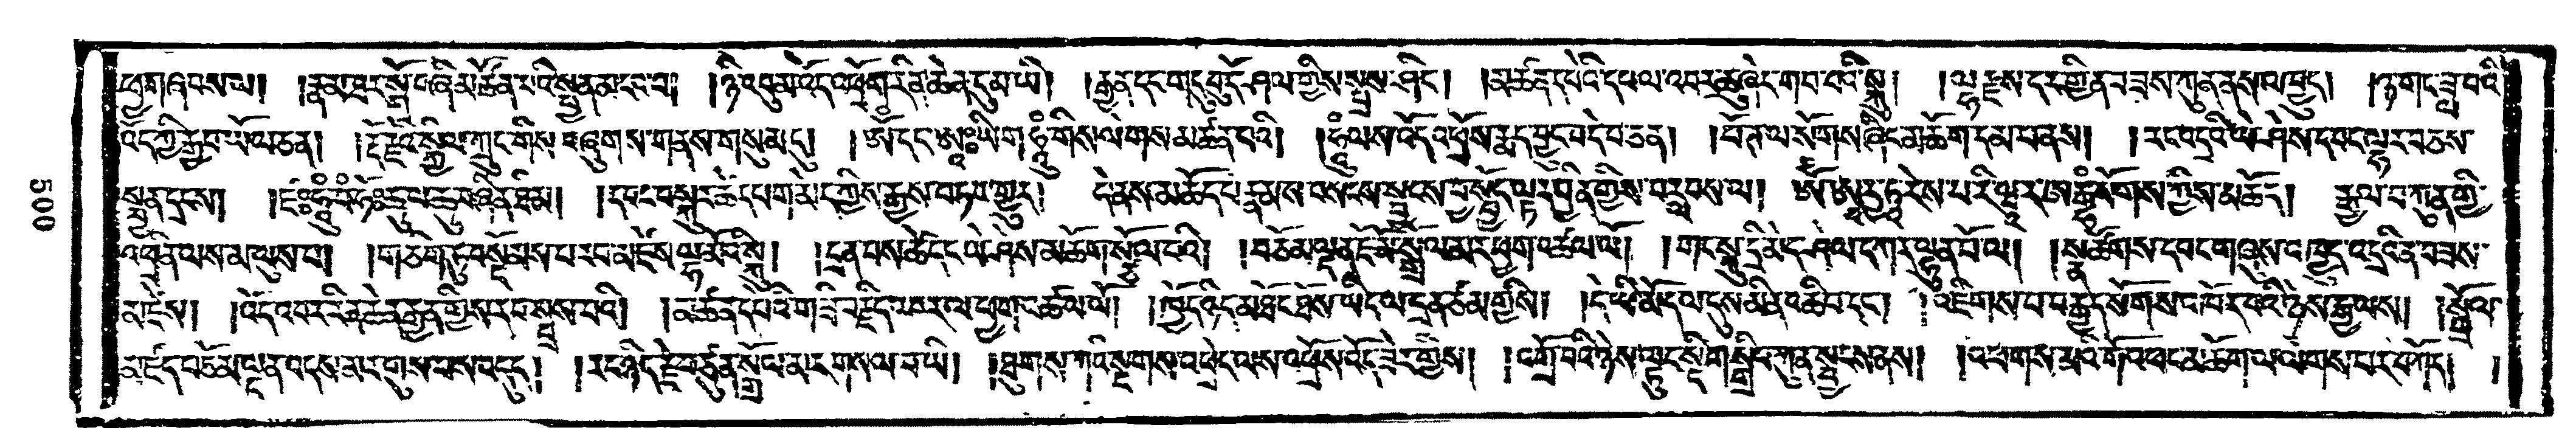ཕྱག་ཞབས་ལ། །རྣམ་ཐར་སྒོ་བཞི་མཚོན་པའི་སྤྱན་མངའ་བ། །ཉི་འབུམ་འོད་འཕྲོག་རིན་ཆེན་དུ་མ་ཡི། །རྒྱན་དང་གདུ་བུ་དོ་ཤལ་གྱིས་སྤྲས་ཤིང་། །མཚན་དཔེའི་དཔལ་འབར་ཆུ་ཞེང་གབ་པའི་སྐུ། །ལྷ་རྫས་དར་གྱི་ན་བཟས་ཀུན་ནས་འཁྱུད། །ཉ་གང་ཟླ་བའི་
འོད་ཀྱི་རྒྱབ་ཡོལ་ཅན། །རྡོ་རྗེའི་སྐྱིལ་ཀྲུང་གིས་བཞུགས་གནས་གསུམ་དུ། །ཨོཾ་དང་ཨཱཿཡིག་ཧཱུཾ་གིས་ལེགས་མཚན་པའི། །ཧཱུཾ་ལས་འོད་འཕྲོས་རྨད་བྱུང་བདེ་བ་ཅན། པོ་ཊ་ལ་སོགས་ཞིང་མཆོག་དམ་པ་ནས། །རང་འདྲའི་ཡེ་ཤེས་དབང་ལྷར་བཅས་
སྤྱན་དྲངས། །ཛཿཧཱུཾ་བཾ་ཧོཿཆུ་ལ་ཆུ་བཞིན་ཐིམ། །དབང་བསྐུར་ཚེ་དཔག་མེད་ཀྱིས་རྒྱས་བཏབ་གྱུར། དེ་ནས་མཆོད་པ་རྣམས་བསངས་སྦྱངས་བྱ་སྦྱོད་ལྟར་བྱིན་གིས་བརླབས་ལ། ཨོཾ་ཨཱརྱ་ཏཱ་རེས་པ་རི་ཝཱ་ར་ཨརྒཧཾ་སོགས་གྱིས་མཆོད། རྒྱལ་བ་ཀུན་གི་
འཕྲིན་ལས་མ་ལུས་བ། །གཅིག་ཏུ་བསྔོམས་པ་རབ་མཛེས་ལྷ་མོའི་སྐུ། །དྲན་བས་ཚེ་དང་ཡེ་ཤེས་མཆོག་སྩོལ་བའི། །བཅོམ་ལྡན་ཇོ་མོ་སྒྲོལ་མར་ཕྱག་འཚལ་ལོ། །གང་སྐུ་དྲི་མེད་ཤེལ་དཀར་ལྷུན་པོ་ལ། །སྣ་ཚོགས་དབང་གཞུས་འཁྱུད་འདྲའི་ན་བཟས་
མཛེས། །འོད་འབར་རིན་ཆེན་རྒྱན་གྱིས་རབ་སྤྲས་པའི། །མཚན་དཔེའི་གཟི་བརྗིད་འབར་ལ་ཕྱག་འཚལ་ལོ། །ཁྱོད་ཉིད་མཐོང་ཐོས་ཡིད་ལ་དྲན་ཙམ་གྱིས། །དེ་ཡི་མོད་ལ་དུས་མིན་འཆིབ་དང་། །འཇིགས་པ་བརྒྱད་སོགས་འཁོར་བའི་ཉེས་རྒྱ་ལས། །སྒྲོལ་
མཛད་བཅོམ་ལྡན་འདས་མར་གུས་བས་འདུད། །རང་ཉིད་རྗེ་བཙུན་སྒྲོལ་མར་གསལ་བ་ཡི། །ཐུགས་ཀའི་སྔགས་འཕྲེང་ལས་འཕྲོས་འོད་ཟེར་གྱིས། །འགྲོ་བའི་ཉེས་ལྟུང་སྡིག་སྒྲིབ་ཀུན་སྦྱངས་ནས། །འཕགས་མའི་གོ་འཕང་མཆོག་ལ་ལེགས་པར་བཀོད།།